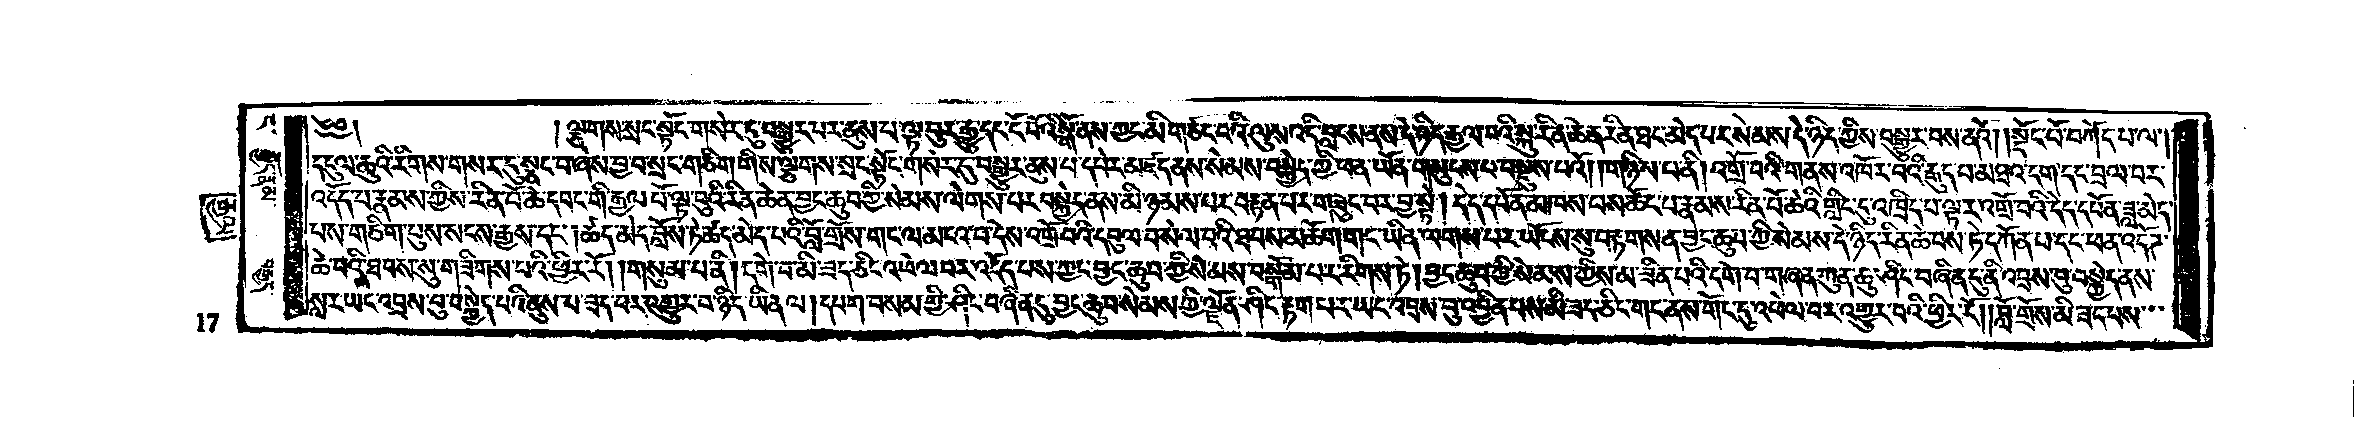༄༅། །ལྕགས་སྲང་སྟོང་གསེར་དུ་བསྒྱུར་པར་ནུས་པ་ལྟ་བུར་རྒྱུ་དང་ངོ་བོའི་སྒོ་ནས་ཀྱང་མི་གཙང་བའི་ལུས་འདི་བླངས་ནས་དེ་ཉིད་རྒྱལ་བའི་སྐུ་རིན་ཆེན་རིན་ཐང་མེད་པར་སེམས་དེ་ཉིད་ཀྱིས་བསྒྱུར་བས་ནའོ། །སྡོང་པོ་བཀོད་པ་ལ།
དངུལ་ཆུའི་རིགས་གསར་དུ་སྣང་བ་ཞེས་བྱ་བ་སྲང་གཅིག་གིས་ལྕགས་སྲང་སྟོང་གསེར་དུ་བགྱུར་ནུས་པ་དཔེར་མཛད་ནས་སེམས་བསྐྱེད་ཀྱི་ཕན་ཡོན་གསུངས་པ་བསྡུས་པའོ། །གཉིས་པ་ནི། འགྲོ་བའི་གནས་འཁོར་བའི་རྒྱུད་པ་མཐའ་དག་དང་བྲལ་བར་
འདོད་པ་རྣམས་ཀྱིས་རིན་པོ་ཆེ་དབང་གི་རྒྱལ་པོ་ལྟ་བུའི་རིན་ཆེན་བྱང་ཆུབ་ཀྱི་སེམས་ལེགས་པར་བསྐྱེད་ནས་མི་ཉམས་པར་བརྟན་པར་གཟུང་བར་བྱ་སྟེ། དེད་དཔོན་མཁས་པས་ཚོང་པ་རྣམས་རིན་པོ་ཆེའི་གླིང་དུ་འཁྲིད་པ་ལྟར་འགྲོ་བའི་དེད་དཔོན་ཟླ་མེད་
པས་གཅིག་པུས་སངས་རྒྱས་དང་། ཚད་མེད་བློས་ཏེ་ཚད་མེད་པའི་བློ་གྲོས་གང་ལ་མངའ་བ་དེས་འགྲོ་བའི་དབུལ་བ་སེལ་བའི་ཐབས་མཆོག་གང་ཡིན་ལགས་པར་ཡོངས་སུ་བརྟགས་ན་བྱང་ཆུབ་ཀྱི་སེམས་དེ་ཉིད་རིན་ཆེ་བས་ཏེ་དཀོན་པ་དང་ཕན་འདོགས་
ཆེ་བའི་ཐབས་སུ་གཟིགས་པའི་ཕྱིར་རོ། །གསུམ་པ་ནི། དགེ་བ་མི་ཟད་ཅིང་འཕེལ་བར་འདོད་པས་ཀྱང་བྱང་ཆུབ་ཀྱི་སེམས་བསྒོམ་པར་རིགས་ཏེ། བྱང་ཆུབ་ཀྱི་སེམས་ཀྱིས་མ་ཟིན་པའི་དགེ་བ་གཞན་ཀུན་ཆུ་ཤིང་བཞིན་དུ་ནི་འབྲས་བུ་བསྐྱེད་ནས་
སླར་ཡང་འབྲས་བུ་བསྐྱེད་པའི་ནུས་པ་ཟད་པར་འགྱུར་བ་ཉིད་ཡིན་ལ། དཔག་བསམས་གྱི་ཤིང་བཞིན་དུ་བྱང་ཆུབ་སེམས་ཀྱི་ལྗོན་ཤིང་རྟག་པར་ཡང་འབྲས་བུ་འབྱིན་པས་མི་ཟད་ཅིང་གང་ནས་གོང་དུ་འཕེལ་བར་འགྱུར་བའི་ཕྱིར་རོ། །བློ་གྲོས་མི་ཟད་པས་